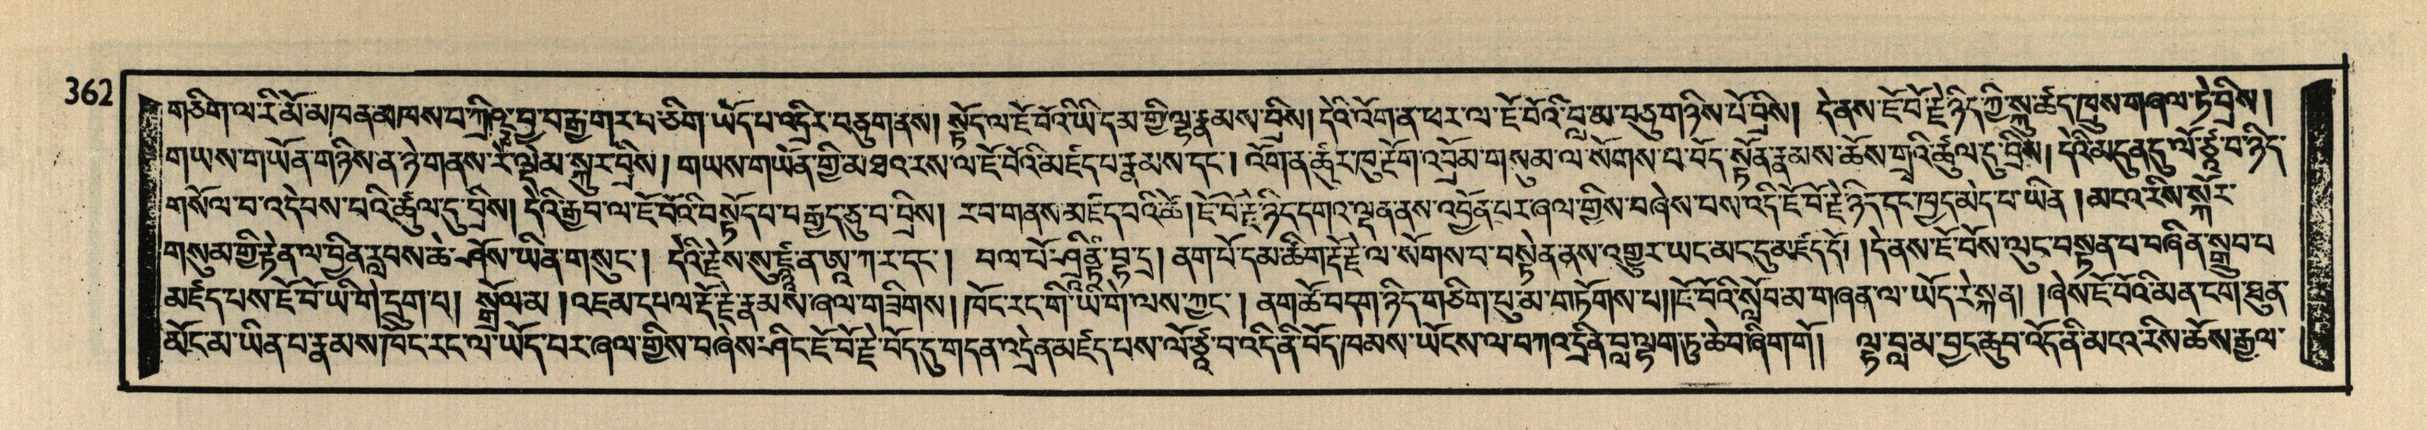གཅིག་ལ་རི་མོ་མཁན་མཁས་བ་ཀྲིཥྞ་བྱ་བ་རྒྱ་གར་བ་ཅིག་ཡོད་པ་འདྲིར་བཅུག་ནས། སྟོད་ལ་ཇོ་བོའི་ཡི་དམ་གྱི་ལྷ་རྣམས་བྲིས། དེའི་འོག་ན་ཕར་ལ་ཇོ་བོའི་བླ་མ་བཅུ་གཉིས་པོ་བྲིས། དེ་ནས་ཇོ་བོ་རྗེ་ཉིད་ཀྱི་སྐུ་ཚད་ཁྲུས་གཞལ་ཏེ་བྲིས།
གཡས་གཡོན་གཉིས་ན་ཉེ་གནས་རེ་ལྡེམ་སྐུར་བྲིས། གཡས་གཡོན་གྱི་མཐའ་རས་ལ་ཇོ་བོའི་མཛད་པ་རྣམས་དང་། འོག་ན་ཚུར་ཁུ་རྔོག་འབྲོམ་གསུམ་ལ་སོགས་པ་བོད་སྟོན་རྣམས་ཆོས་གྲྭའི་ཚུལ་དུ་བྲིས། དེའི་མདུན་དུ་ལོ་ཙཱ་བ་ཉིད་
གསོལ་བ་འདེབས་པའི་ཚུལ་དུ་བྲིས། དེའི་རྒྱབ་ལ་ཇོ་བོའི་བསྟོད་པ་བརྒྱད་ཅུ་བ་བྲིས། རབ་གནས་མཛད་བའི་ཚེ། ཇོ་བོ་རྗེ་ཉིད་དགའ་ལྡན་ནས་འབྱོན་པར་ཞལ་གྱིས་བཞེས་བས་འདི་ཇོ་བོ་རྗེ་ཉིད་དང་ཁྱད་མེད་པ་ཡིན། མངའ་རིས་སྐོར་
གསུམ་གྱི་རྟེན་ལ་བྱིན་རླབས་ཆེ་ཤོས་ཡིན་གསུང་། དེའི་རྗེས་སུ་ཛྙཱ་ན་ཨཱ་ཀ་ར་དང་། བལ་པོ་ཤྲཱིནྟཾ་བྷ་དྲ། ནག་པོ་དམ་ཚིག་རྡོ་རྗེ་ལ་སོགས་བ་བསྟེན་ནས་འགྱུར་ཡང་མང་དུ་མཛད་དོ། །དེ་ནས་ཇོ་བོས་ལུང་བསྟན་པ་བཞིན་སྒྲུབ་པ་
མཛད་པས་ཇོ་བོ་ཡི་གེ་དྲུག་པ། སྒྲོལ་མ། འཇམ་དཔལ་རྡོ་རྗེ་རྣམས་ཞལ་གཟིགས། ཁོང་རང་གི་ཡི་གེ་ལས་ཀྱང་། ནག་ཚོ་བདག་ཉིད་གཅིག་པུ་མ་གཏོགས་པ། །ཇོ་བོའི་སློབ་མ་གཞན་ལ་ཡོད་རེ་སྐན། །ཞེས་ཇོ་བོའི་མན་ངག་ཐུན་
མོང་མ་ཡིན་པ་རྣམས་ཁང་རང་ལ་ཡོད་བར་ཞལ་གྱིས་བཞེས་ཤིང་ཇོ་བོ་རྗེ་བོད་དུ་གདན་འདྲེན་མཛད་པས་ལོ་ཙཱ་བ་འདི་ནི་བོད་ཁམས་ཡོངས་ལ་བཀའ་དྲིན་བླ་ལྷག་ཏུ་ཆེ་བ་ཞིག་གོ། ལྷ་བླ་མ་བྱང་ཆུབ་འོད་ནི་མངའ་རིས་ཆོས་རྒྱལ་